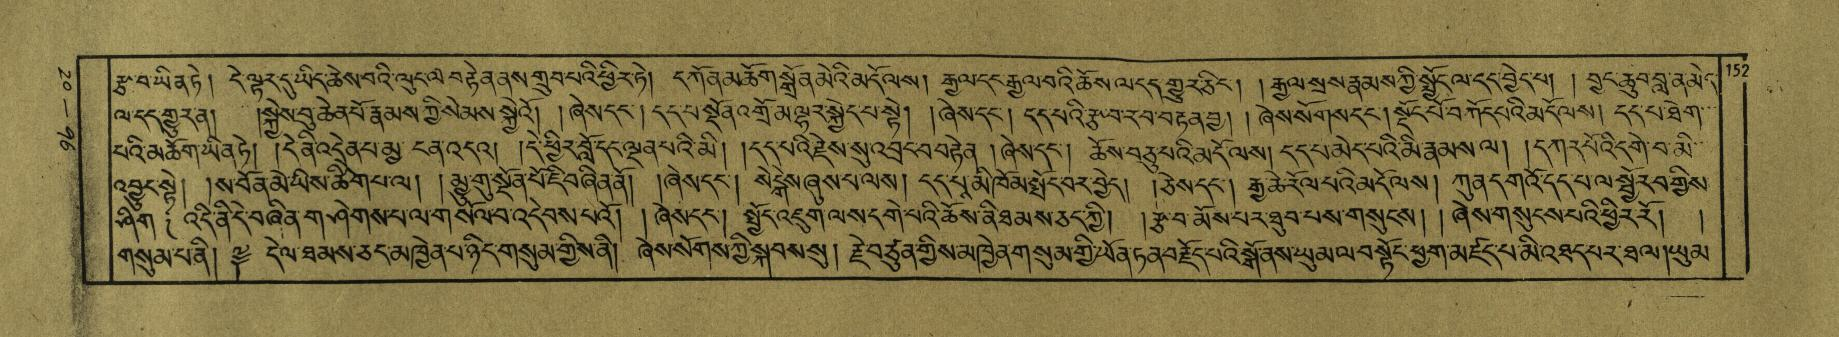རྩ་བ་ཡིན་ཏེ། དེ་ལྟར་དུ་ཡིད་ཆེས་བའི་ལུང་ལ་བརྟེན་ནས་གྲུབ་པའི་ཕྱིར་ཏེ། དཀོན་མཆོག་སྒྲོན་མེའི་མདོ་ལས། རྒྱལ་དང་རྒྱལ་བའི་ཆོས་ལ་དད་གྱུར་ཅིང་། །རྒྱལ་སྲས་རྣམས་ཀྱི་སྤྱོད་ལ་དད་བྱེད་པ། །བྱང་ཆུབ་བླ་ན་མེད་
ལ་དད་གྱུར་ན། །སྐྱེས་བུ་ཆེན་པོ་རྣམས་ཀྱི་སེམས་སྐྱེའོ། །ཞེས་དང་། དད་པ་སྔོན་འགྲོ་མ་ལྷར་སྐྱེད་པ་སྟེ། །ཞེས་དང་། དད་པའི་རྩ་བ་རབ་བརྟན་བྱ། །ཞེས་སོགས་དང་། སྡོང་པོ་བཀོད་པའི་མདོ་ལས། དད་པ་ཐེག་
པའི་མཆོག་ཡིན་ཏེ། །དེ་ནི་འདྲེན་པ་མྱ་ངན་འདའ། །དེ་ཕྱིར་བློ་དང་ལྡན་པའི་མི། །དད་པའི་རྗེས་སུ་འབྲང་བ་བརྟེན་།ཞེས་དང་། ཆོས་བཅུ་པའི་མདོ་ལས། དད་པ་མེད་པའི་མི་རྣམས་ལ། །དཀར་པོའི་དགེ་བ་མི་
འབྱུང་སྟེ། །ས་བོན་མེ་ཡིས་ཚིག་པ་ལ། །མྱུ་གུ་སྔོན་པོ་ཇི་བཞིན་ནོ། །ཞེས་དང་། སེངྒེས་ཞུས་པ་ལས། དད་པས་མི་ཁོམ་སྤོང་བར་བྱེད། །ཅེས་དང་། རྒྱ་ཆེ་རོལ་པའི་མདོ་ལས། ཀུན་དགའོ་དད་པ་ལ་སྦྱོར་བ་གྱིས་
ཤིག༑ འདི་ནི་དེ་བཞིན་གཤེགས་པ་ལ་གསོལ་བ་འདེབས་པའོ། །ཞེས་དང་། སྤྱོད་འཇུག་ལས་དགེ་པའི་ཆོས་ནི་ཐམས་ཅད་ཀྱི། །རྩ་བ་མོས་པར་ཐུབ་པས་གསུངས། །ཞེས་གསུངས་པའི་ཕྱིར་རོ། །
གསུམ་པ་ནི། ༈ དེ་ལ་ཐམས་ཅད་མཁྱེན་པ་ཉིད་གསུམ་གྱིས་ནི། ཞེས་སོགས་ཀྱི་སྐབས་སུ། རྗེ་བཙུན་གྱིས་མཁྱེན་གསུམ་གྱི་ཡོན་ཏན་བརྗོད་པའི་སྒོ་ནས་ཡུམ་ལ་བསྟོང་ཕྱག་མཛད་པ་མི་འཐད་པར་ཐལ། ཡུམ་